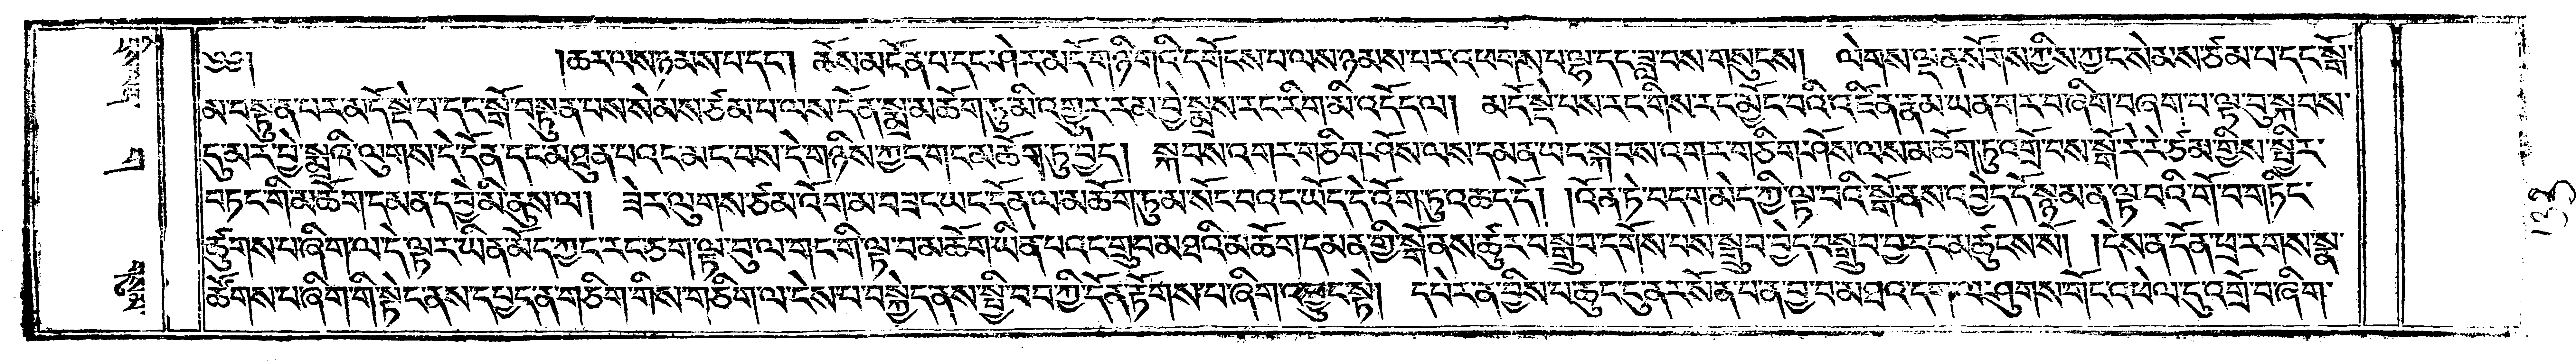༄༅། །ཆར་ལས་ཉམས་པ་དང་། ཆོས་མངོན་པ་དང་ཤེར་མདོ་གཉི་གའི་དགོངས་པ་ལས་ཉམས་པར་འཕགས་པ་ལྷ་དང་ཟླ་བས་གསུངས། ལེགས་ལྡན་སོགས་ཀྱིས་ཀྱང་སེམས་ཙམ་པ་དང་སྒོ་
མ་བསྟུན་པར་མདོ་སྡེ་བ་དང་སྒོ་བསྟུན་པས་སེམས་ཙམ་པ་ལས་དོན་སྨྲ་མཆོག་ཏུ་མི་འགྱུར་རམ་བྱེ་སྨྲས་རང་རིག་མི་འདོད་ལ། མདོ་སྡེ་པས་རང་གིས་རང་མྱོང་བའི་འཛིན་རྣམ་ཡན་གར་བ་ཞིག་བཞག་པ་ལྟ་བུ་སྐབས་
དུ་མར་བྱེ་སྨྲའི་ལུགས་དེ་དོན་དང་མཐུན་པའང་མང་བས་དེ་གཉིས་ཀྱང་གང་མཆོག་ཏུ་བྱེད། སྐབས་འགར་གཅིག་ཤོས་ལས་དམན་ཡང་སྐབས་འགར་གཅིག་ཤེས་ལས་མཆོག་ཏུ་འགྲོ་བས་སྒོ་རེ་རེ་ཙམ་གྱིས་སྤྱིར་
བཏང་གི་མཆོག་དམན་དབྱེ་མི་ནུས་ལ། ཟེར་ལུགས་ཙམ་འོག་མ་བཟང་ཡང་དོན་ལ་མཆོག་ཏུ་མ་སོང་བའང་ཡོད་དེ་འོག་ཏུ་འཆད་དོ། །འོན་ཏེ་བདག་མེད་ཀྱི་ལྟ་བའི་སྒོ་ནས་འབྱེད་དོ་སྙམ་ན་ལྟ་བའི་གོ་བ་གཏིང་
ཚུགས་པ་ཞིག་ལ་དེ་ལྟར་ཡིན་མོད་ཀྱང་རང་ཅག་ལྟ་བུ་ལ་གང་གི་ལྟ་བ་མཆོག་ཡིན་པའང་གྲུབ་མཐའི་མཆོག་དམན་གྱི་སྒོ་ནས་ཚུར་བསྒྲུབ་དགོས་པས་སྒྲུབ་བྱེད་བསྒྲུབ་བྱ་དང་མཚུངས་སོ། །དེས་ན་དོན་ཕྲ་རགས་སྣ་
ཚོགས་པ་ཞིག་སྟེང་ནས་དཔྱད་ན་གཅིག་གིས་གཅིག་ལ་ངེས་པ་བསྐྱེད་ནས་སྤྱི་བབ་ཀྱི་དོན་རྟོགས་པ་ཞིག་འབྱུང་སྟེ། དཔེར་ན་བྱིས་པ་ཆུང་ངུ་ནར་སོན་པ་ན་བྱ་བ་མཐའ་དག་ལ་ཤུགས་གོང་འཕེལ་དུ་འགྲོ་བ་ཞིག་